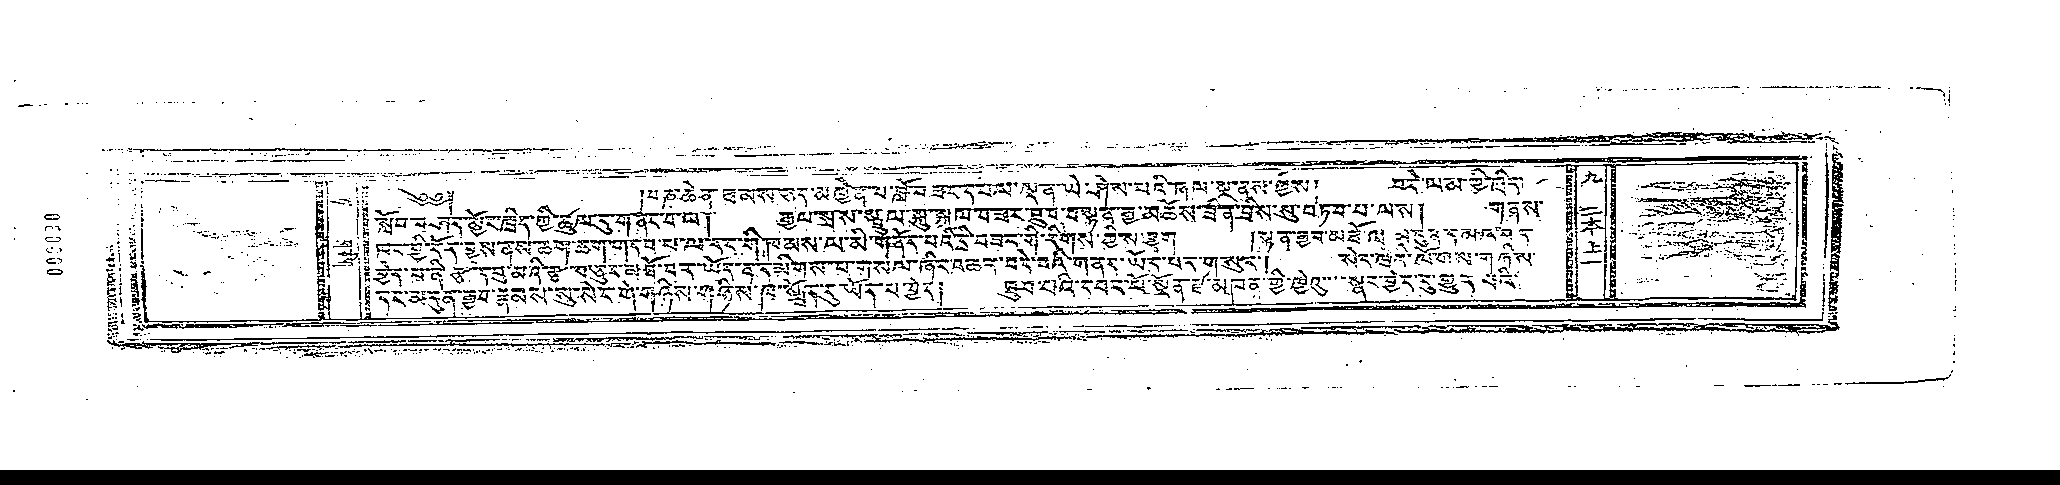༄༅། །པཎ་ཆེན་ཐམས་ཅད་མཁྱེན་པ་བློ་བཟང་དཔལ་ལྡན་ཡེ་ཤེས་པའི་ཞལ་སྔ་ནས་ཀྱིས། བདེ་ལམ་ཀྱི་ཁྲིད་
སློབ་བཤད་མྱོང་ཁྲིད་ཀྱི་ཚུལ་དུ་གནང་བ་ལ། རྒྱལ་སྲས་སྤྲུལ་སྐུ་སྐལ་བཟང་ཐུབ་བསྟན་རྒྱ་མཚོས་ཟིན་བྲིས་སུ་བཏབ་པ་ལས། གནས་
ཁང་བྱི་དོར་བྱས་ནས་ཆག་ཆག་གདབ་པ་ལ་རང་གི་ཁམས་ལ་མི་གནོད་པའི་དྲི་བཟང་གི་རིགས་ཀྱིས་བྱུག །སྟན་རྒྱབ་མཐོ་ལ་མདུན་དམའ་བར་
བྱེད་པ་ནི་རྩ་དབུ་མའི་རྩ་བ་ཅུང་མཐོ་བར་ཡོད་ན་དམིགས་པ་གསལ་ཞིང་འཆར་བདེ་བའི་གནད་ཡོད་པར་གསུང་། སེང་ཁྲིའི་ལོགས་གཉིས་
དང་མདུན་རྒྱབ་རྣམས་སུ་སེང་གེ་གཉིས་གཉིས་ཁ་སྤོད་དུ་ཡོད་པ་བྱེད། ཐུབ་པའི་དབང་པོ་སྔོན་རྫ་མཁན་གྱི་ཁྱེའུ་སྣང་བྱེད་དུ་གྱུར་པའི་